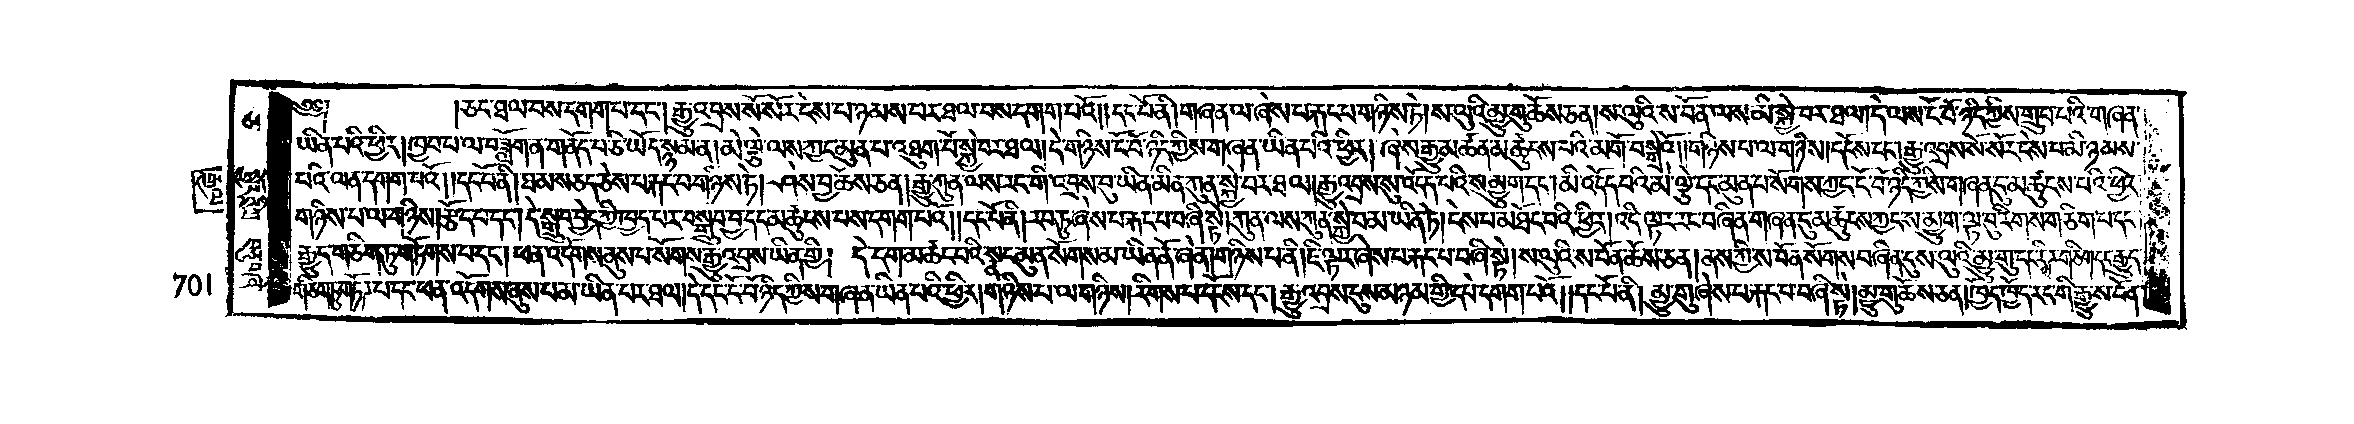༄༅། །ཅང་ཐལ་བས་དགག་པ་དང་། རྒྱུ་འབྲས་སོ་སོར་ངེས་པ་ཉམས་པར་ཐལ་བས་དགག་པའོ། །དང་པོ་ནི། གཞན་ལ་ཞེས་པ་རྐང་པ་གཉིས་ཏེ། ས་ལུའི་མྱུ་གུ་ཆོས་ཅན། ས་ལུའི་ས་བོན་ལས་མི་སྐྱེ་བར་ཐལ། དེ་ལས་ངོ་བོ་ཉིད་ཀྱིས་གྲུབ་པའི་གཞན་
ཡིན་པའི་ཕྱིར། ཁྱབ་པ་ལ་བཟློག་ན་གནོད་པ་ཅི་ཡོད་སྙམ་ན། མེ་ལྕེ་ལས་ཀྱང་མུན་པ་འཐུག་པོ་སྐྱེ་བར་ཐལ། དེ་གཉིས་ངོ་བོ་ཉིད་ཀྱིས་གཞན་ཡིན་པའི་ཕྱིར། ཞེས་རྒྱུ་མཚན་མཚུངས་པའི་མགོ་བསྒྲེའོ། །གཉིས་པ་ལ་གཉིས། དངོས་དང་། རྒྱུ་འབྲས་སོ་སོར་ངེས་པ་མི་ཉམས་
པའི་ལན་དགག་པའོ། །དང་པོ་ནི། ཐམས་ཅད་ཅེས་པ་རྐང་པ་གཉིས་ཏེ། ཤེས་བྱ་ཆོས་ཅན། རྒྱུ་ཀུན་ལས་རང་གི་འབྲས་བུ་ཡིན་མིན་ཀུན་སྐྱེ་བར་ཐལ། རྒྱུ་འབྲས་སུ་འདོད་པའི་ས་མྱུག་དང་། མི་འདོད་པའི་མེ་ལྕེ་དང་མུན་པ་སོགས་ཀྱང་ངོ་བོ་ཉིད་ཀྱིས་གཞན་དུ་མཚུངས་པའི་ཕྱིར་
གཉིས་པ་ལ་གཉིས། རྩོད་པ་དང་། དེ་སྒྲུབ་བྱེད་ཀྱི་ཁྱད་པར་བསྒྲུབ་བྱ་དང་མཚུངས་པས་དགག་པའོ། །དང་པོ་ནི། རབ་ཏུ་ཞེས་པ་རྐང་པ་བཞི་སྟེ། ཀུན་ལས་ཀུན་སྐྱེ་བ་མ་ཡིན་ཏེ། ངེས་པ་མཐོང་བའི་ཕྱིར། འདི་ལྟར་རང་བཞིན་གཞན་དུ་མཚུངས་ཀྱང་ས་མྱུག་ལྟ་བུ་རིགས་གཅིག་པ་དང་
རྒྱུད་གཅིག་ཏུ་གཏོགས་པ་དང་། ཕན་འདོགས་ནུས་པ་སོགས་རྒྱུ་འབྲས་ཡིན་གྱི། དེ་དག་མ་ཚང་བའི་སྣང་མུན་སོགས་མ་ཡིན་ནོ་ཞེ་ན། གཉིས་པ་ནི། ཇི་ལྟར་ཞེས་པ་རྐང་པ་བཞི་སྟེ། ས་ལུའི་ས་བོན་ཆོས་ཅན། ནས་ཀྱི་ས་བོན་སོགས་བཞིན་དུས་ལུའི་མྱུ་གུ་དང་རིགས་གཅིག་དང་རྒྱུད་
གཅིག་ཏུ་གཏོགས་པ་དང་ཕན་འདོགས་ནུས་པ་མ་ཡིན་པར་ཐལ། དེ་དང་ངོ་བོ་ཉིད་ཀྱིས་གཞན་ཡིན་པའི་ཕྱིར། གཉིས་པ་ལ་གཉིས། རིགས་པ་དངོས་དང་། རྒྱུ་འབྲས་དུས་མཉམ་གྱི་དཔེ་དགག་པའོ། །དང་པོ་ནི། མྱུ་གུ་ཞེས་པ་རྐང་པ་བཞི་སྟེ། མྱུ་གུ་ཆོས་ཅན། ཁྱོད་ཁྱོད་རང་གི་རྒྱུ་ས་བོན་